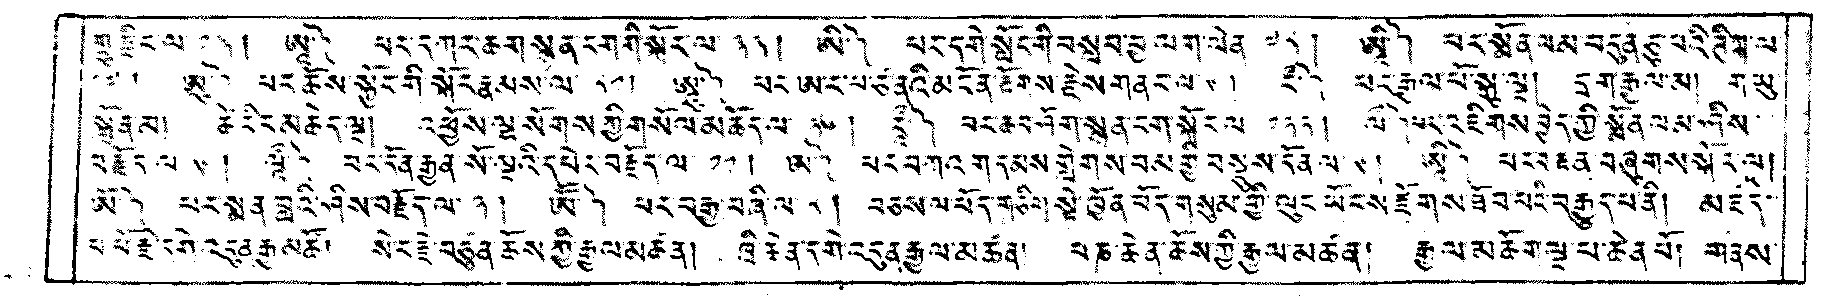གྲུ་རྫིང་ལ ༡༣། ཨ྄ཱ་པར་དཀར་ཆག་སྙན་ངག་གི་སྐོར་ལ ༣༣། ཨ྄ི་པར་དགེ་སློང་གི་བསླབ་བྱ་ལག་ལེན ༧༨། ཨ྄ཱི་པར་སྨོན་ལམ་བདུན་ཅུ་པའི་ཊིཀྐ་ལ་
༡༧། ཨ྄ུ་པར་ཆོས་སྐྱོང་གི་སྐོར་རྣམས་ལ ༨༡། ཨ྄ཱུ་པར་ཨ་ར་པ་ཙ་ནའི་མངོན་རྟོགས་རྗེས་གནང་ལ ༤། ར྄ྀ་པར་རྒྱལ་པོ་སྐུ་ལྔ། དྲག་རྒྱལ་མ། གཡུ་
སྒྲོན་མ། ཚེ་རིང་མཆེད་ལྔ། འཕྱོས་ལྷ་སོགས་ཀྱི་གསོལ་མཆོད་ལ ༢༦། ར྄ཱྀ་པར་ཆབ་ཤོག་སྙན་ངག་སྐོར་ལ ༡༢༢། ལ྄ྀ་པར་འཇིགས་བྱེད་ཀྱི་སྨོན་ལམ་ཤིས་
བརྗོད་ལ ༤། ལ྄ཱྀ་པར་དོན་རྒྱན་སོ་ལྔའི་དཔེར་བརྗོད་ལ ༡༡། ཨ྄་པར་བཀའ་གདམས་གླེགས་བམ་གྱི་བསྡུས་དོན་ལ ༤། ཨ྄ཱི་པར་བརྟན་བཞུགས་སྐོར་ལ ༥།
ཨ྄ོ་པར་སྨན་བླའི་ཤིས་བརྗོད་ལ ༢། ཨ྄ཽ་པར་བརྒྱ་བཞི་ལ ༥། བཅས་ལ་པོད་གཅིག་སྟེ་ཁྱོན་པོད་གསུམ་གྱི་ལུང་ཡོངས་རྫོགས་ཐོབ་པའི་བརྒྱུད་པ་ནི། མཛད་
པ་པོ་རྗེ་དགེ་འདུན་རྒྱ་མཚོ། སེ་ར་རྗེ་བཙུན་ཆོས་ཀྱི་རྒྱལ་མཚན། ཁྲི་ཆེན་དགེ་འདུན་རྒྱལ་མཚན། པཎ་ཆེན་ཆོས་ཀྱི་རྒྱལ་མཚན། རྒྱལ་མཆོག་ལྔ་པ་ཆེན་པོ། གནས་